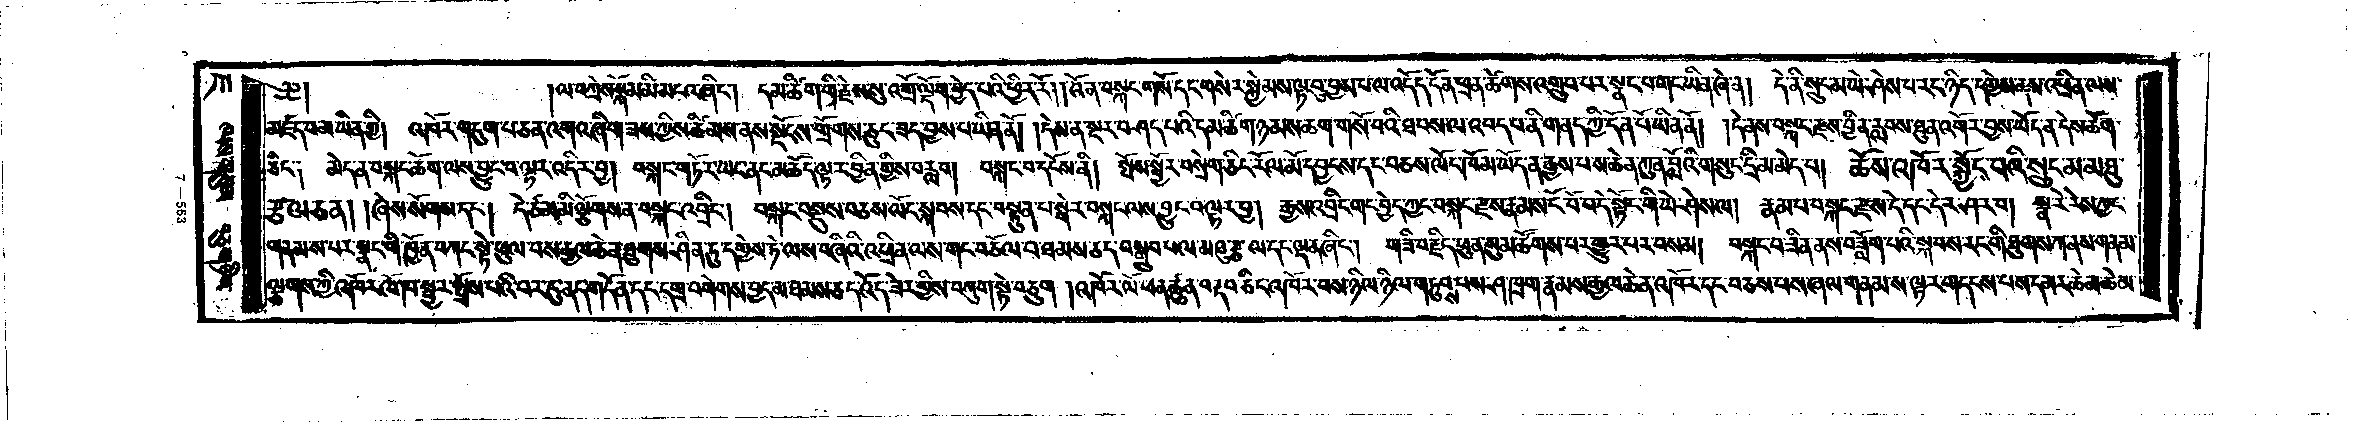༄༅། །ལ་བཀྲེས་སྐོམ་མི་མངའ་ཞིང་། དམ་ཚིག་གི་རྗེས་སུ་འགྲོ་ལྡོག་བྱེད་པའི་ཕྱིར་རོ། །འོ་ན་བསྐང་གསོ་དང་གསེར་སྐྱེམས་ལྟ་བུ་བྱས་པ་ལ་འདོད་དོན་ཕྲན་ཚེགས་འགྲུབ་པར་སྣང་བ་གང་ཡིན་ཞེ་ན། དེ་ནི་སྲུང་མ་ཡེ་ཤེས་པ་རང་ཉིད་དགྱེས་ནས་འཕྲིན་ལས་
མཛད་པ་མ་ཡིན་གྱི། འཁོར་གདུག་པ་ཅན་འགའ་ཞིག་ཟས་ཀྱིས་ཚིམས་ནས་སྡོངས་གྲོགས་ཅུང་ཟད་བྱས་པ་ཡིན་ནོ། །དེས་ན་སྔར་བཤད་པའི་དམ་ཚིག་ཉམས་ཆག་གསོ་བའི་ཐབས་ལ་འབད་པ་ནི་གནད་ཀྱི་དོན་པོ་ཡིན་ནོ། །དེ་ནས་བསྐང་རྫས་བྱིན་རླབས་ཐུན་འགོར་བྱས་ཡོད་ན་དེས་ཆོག་
ཅིང༑ མེད་ན་བསྐང་ཆོག་ལས་བྱུང་བ་ལྟར་འདིར་བྱ། བསྐང་གཏོར་ཡང་ནང་མཆོད་ལྟར་བྱིན་གྱིས་བརླབ། བསྐང་བ་དངོས་ནི། སྤོས་སྦྱོར་བསྲེག་ཅིང་རོལ་མོ་དབྱངས་དང་བཅས་ལོང་ཁོམ་ཡོད་ན་རྒྱས་པ་ས་ཆེན་ཀུན་བློའི་གསུང་དྲི་མ་མེད་པ། ཆོས་འཁོར་སྐྱོང་བའི་སྲུང་མ་མཐུ་
རྩལ་ཅན། །ཞེས་སོགས་དང་། དེ་ཙམ་མི་ལྕོགས་ན་བསྐང་འབྲིང་། བསྐང་བསྡུས་བཅས་ལོང་སྐབས་དང་བསྟུན་པ་སྒེར་བསྐང་ལས་བྱུང་བ་ལྟར་བྱ། རྒྱས་འབྲིང་གང་བྱེད་ཀྱང་བསྐང་རྫས་རྣམས་ངོ་བོ་བདེ་སྟོང་གི་ཡེ་ཤེས་ལ། རྣམ་པ་བསྐང་རྫས་དེ་དང་དེར་ཤར་བ། སྣ་རེ་རེས་ཀྱང་
གནམ་ས་པར་སྣང་གི་ཁྱོན་བཀང་སྟེ་ཕུལ་བས་རྒྱལ་ཆེན་ཐུགས་ཤིན་ཏུ་དགྱེས་ཏེ་ལས་བཞིའི་འཕྲིན་ལས་གང་བཅོལ་བ་ཐམས་ཅད་བསྒྲུབ་པ་ལ་མཐུ་རྩལ་དང་ལྡན་ཞིང་། གཟི་བརྗིད་ཕུན་སུམ་ཚོགས་པར་གྱུར་པར་བསམ། བསྐང་བ་ཟིན་ནས་བཟློག་པའི་སྐབས་རང་གི་ཐུགས་ཀ་ནས་གནམ་
ལྕགས་ཀྱི་འཁོར་ལོ་ཁ་སྦྱར་སྤྲོས་པའི་ཐར་དུ་ནད་གདོན་དང་དགྲ་བགེགས་བྱད་མ་ཐམས་ཅད་འོད་ཟེར་གྱིས་བཀུག་སྟེ་བཅུག །འཁོར་ལོ་ཕན་ཚུན་བརྡབ་ཅིང་འཁོར་བས་ཉིལ་ཉིལ་གཏུབས་པས་ཤ་ཁྲག་རྣམས་རྒྱལ་ཆེན་འཁོར་དང་བཅས་པས་ཞལ་གནམ་ས་ལྟར་གདངས་པས་དམར་ཆེམ་ཆེམ་